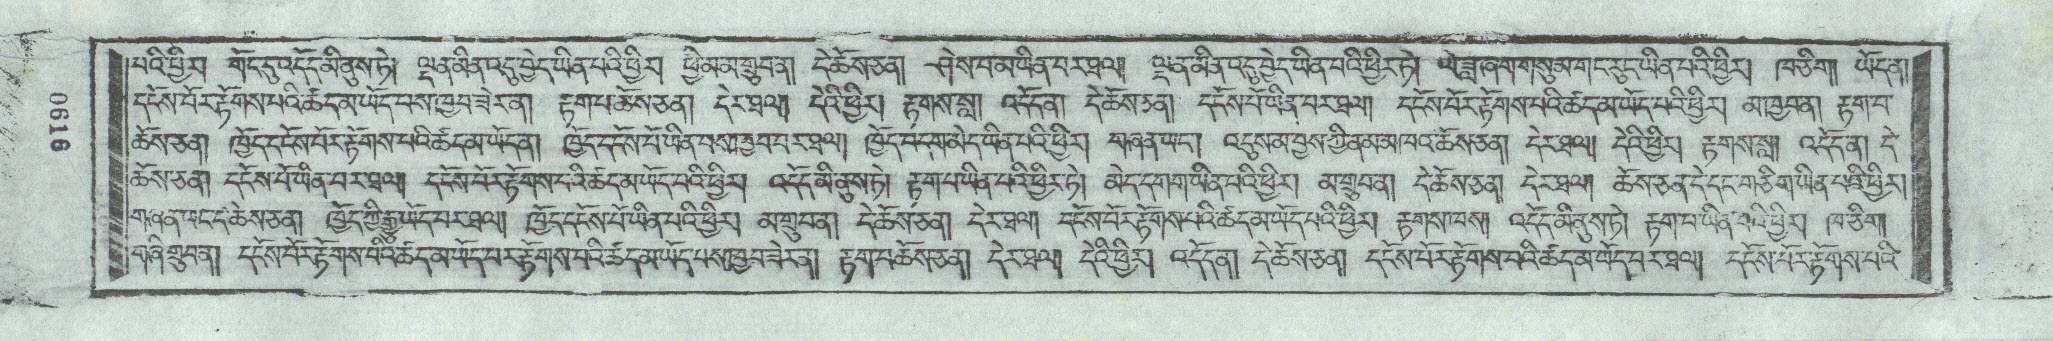པའི་ཕྱིར། གོང་དུ་འདོད་མི་ནུས་ཏེ། ལྡན་མིན་འདུ་བྱེད་ཡིན་པའི་ཕྱིར། ཕྱི་མ་མ་གྲུབ་ན། དེ་ཆོས་ཅན། ཤེས་པ་མ་ཡིན་པར་ཐལ། ལྡན་མིན་འདུ་བྱེད་ཡིན་པའི་ཕྱིར་ཏེ། ལེ་ཟླ་ཞག་གསུམ་གང་རུང་ཡིན་པའི་ཕྱིར། ཁ་ཅིག། ཡོད་ན།
དངོས་པོར་རྟོགས་པའི་ཚད་མ་ཡོད་པས་ཁྱབ་ཟེར་ན། རྟག་པ་ཆོས་ཅན། དེར་ཐལ། དེའི་ཕྱིར། རྟགས་སླ། འདོད་ན། དེ་ཆོས་ཅན། དངོས་པོ་ཡིན་པར་ཐལ། དངོས་པོར་རྟོགས་པའི་ཚད་མ་ཡོད་པའི་ཕྱིར། མ་ཁྱབ་ན། རྟག་པ་
ཆོས་ཅན། ཁྱོད་དངོས་པོར་རྟོགས་པའི་ཚད་མ་ཡོད་ན། ཁྱོད་དངོས་པོ་ཡིན་པས་ཁྱབ་པར་ཐལ། ཁྱོད་བདག་མེད་ཡིན་པའི་ཕྱིར། གཞན་ཡང་། འདུས་མ་བྱས་ཀྱི་ནམ་མཁའ་ཆོས་ཅན། དེར་ཐལ། དེའི་ཕྱིར། རྟགས་སླ། འདོད་ན། དེ་
ཆོས་ཅན། དངོས་པོ་ཡིན་པར་ཐལ། དངོས་པོར་རྟོགས་པའི་ཚད་མ་ཡོད་པའི་ཕྱིར། འདོད་མི་ནུས་ཏེ། རྟག་པ་ཡིན་པའི་ཕྱིར་ཏེ། མེད་དགག་ཡིན་པའི་ཕྱིར། མ་གྲུབ་ན། དེ་ཆོས་ཅན། དེར་ཐལ། ཆོས་ཅན་དེ་དང་གཅིག་ཡིན་པའི་ཕྱིར།
གཞན་ཡང་དེ་ཆོས་ཅན། ཁྱོད་ཀྱི་རྒྱུ་ཡོད་པར་ཐལ། ཁྱོད་དངོས་པོ་ཡིན་པའི་ཕྱིར། མ་གྲུབ་ན། དེ་ཆོས་ཅན། དེར་ཐལ། དངོས་པོར་རྟོགས་པའི་ཚད་མ་ཡོད་པའི་ཕྱིར། རྟགས་ཁས། འདོད་མི་ནུས་ཏེ། རྟག་པ་ཡིན་པའི་ཕྱིར། ཁ་ཅིག།
གཞི་གྲུབ་ན། དངོས་པོར་རྟོགས་པའི་ཚད་མ་ཡོད་པར་རྟོགས་པའི་ཚད་མ་ཡོད་པས་ཁྱབ་ཟེར་ན། རྟག་པ་ཆོས་ཅན། དེར་ཐལ། དེའི་ཕྱིར། འདོད་ན། དེ་ཆོས་ཅན། དངོས་པོར་རྟོགས་པའི་ཚད་མ་ཡོད་པར་ཐལ། དངོས་པོར་རྟོགས་པའི་